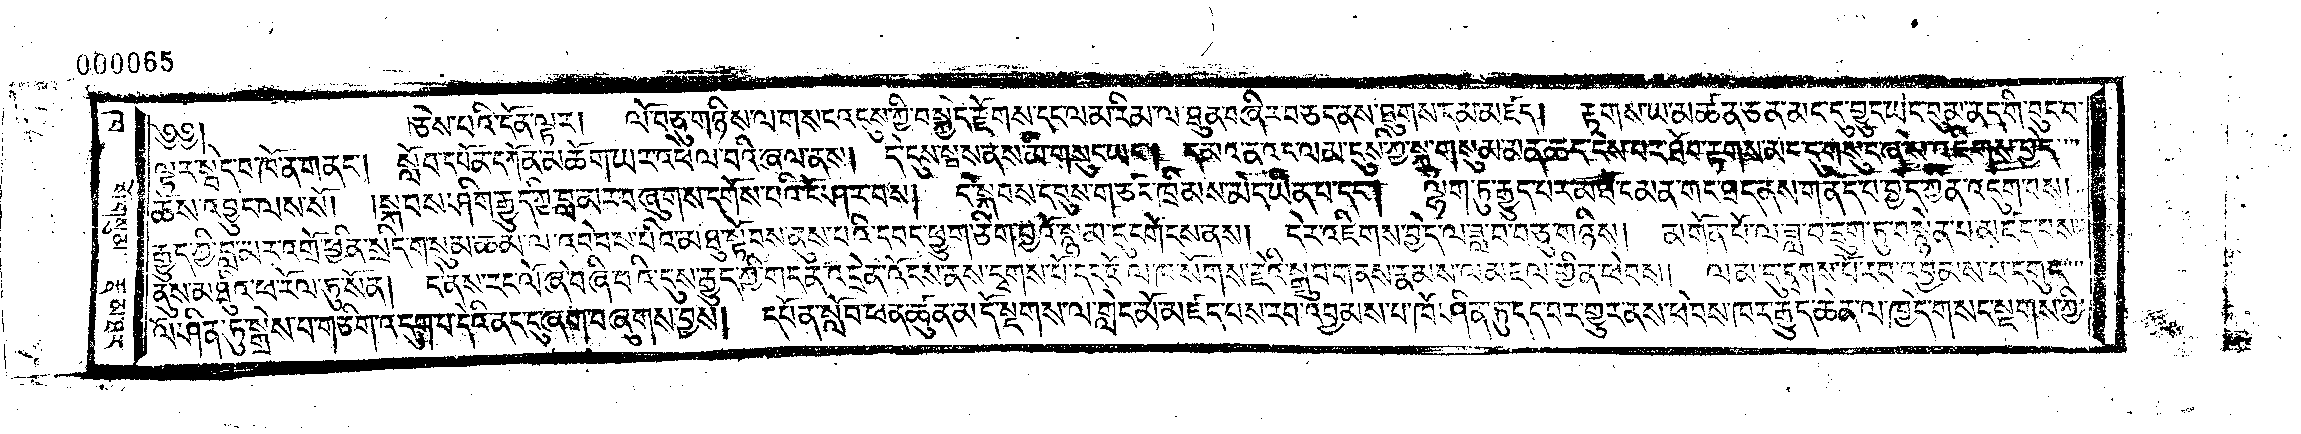༄༅། །ཅེས་པའི་དོན་ལྟར། ལོ་བཅུ་གཉིས་ལ་གསང་འདུས་ཀྱི་བསྐྱེད་རྫོགས་དང་ལམ་རིམ་ལ་ཐུན་བཞིར་བཅད་ནས་ཐུགས་དམ་མཛད། རྟགས་ཡ་མཚན་ཅན་མང་དུ་བྱུང་ཡང་བུ་མ་ནད་གི་བུང་བ་
ལྟར་སྦེད་པ་ཁོ་ན་གནང་། སློབ་དཔོན་དཀོན་མཆོག་ཡར་འཕེལ་བའི་ཞལ་ནས། དེ་དུས་སྦས་ནས་མི་གསུང་ཡང་། དམའ་ནའང་ལམ་དུས་ཀྱི་སྐུ་གསུམ་མན་ཆད་ངེས་པར་ཐོབ་རྟགས་མང་དུ་གསུང་ཞེས་འཇིགས་བྱེད་
ཆོས་འབྱུང་ལས་སོ། །སྐབས་ཤིག་རྒྱུད་ཀྱི་བླ་མར་བཞུགས་དགོས་པའི་ངོ་ཤར་བས། དེ་སྐབས་དབུས་གཙང་ཁྲིམས་མེད་ཡིན་པ་དང་། ལྷག་ཏུ་རྒྱུད་པར་མཐོ་དམན་གང་ཐད་ནས་གནོད་པ་བྱེད་ཀྱིན་འདུག་པས།
རྒྱུད་ཀྱི་བླ་མར་འགྲོ་ཕྱིན་སྲིད་གསུམ་ཆམ་ལ་འབེབས་པའི་མཐུ་སྟོབས་ནུས་པའི་དབང་ཕྱུག་ཅིག་བྱའོ་སྙམ་དུ་དགོངས་ནས། དེར་འཇིགས་བྱེད་ལ་ཟླ་བ་བཅུ་གཉིས། མགོན་པོ་ལ་ཟླ་བ་དྲུག་ཏུ་བསྙེན་པ་མཛད་པས་
ནུས་མཐུའི་ཕ་རོལ་ཏུ་སོན། དེ་ནས་རང་ལོ་ཞེ་བཞི་པའི་དུས་རྒྱུད་ཀྱི་གདན་འདྲེན་འོངས་ནས་དྭགས་པོ་དང་འོལ་ཁ་སོགས་རྗེའི་སྒྲུབ་གནས་རྣམས་ལ་མཇལ་གྱིན་ཕེབས། ལམ་དུ་དྭགས་པོ་རབ་འབྱམས་པ་དགུང་
ལོ་ཤིན་ཏུ་སྒྲེས་པ་གཅིག་འདུག་པ་དེའི་ནང་དུ་ཞག་བཞུགས་བྱས། དཔོན་སློབ་ཕན་ཚུན་མདོ་སྔགས་ལ་གླེང་མོ་མཛད་པས་རབ་འབྱམས་པ་ཁོ་ཤིན་ཏུ་དད་པར་གྱུར་ནས་ཕེབས་ཁར་རྒྱུད་ཆེན་ལ་ཁྱེད་གསང་སྔགས་ཀྱི་